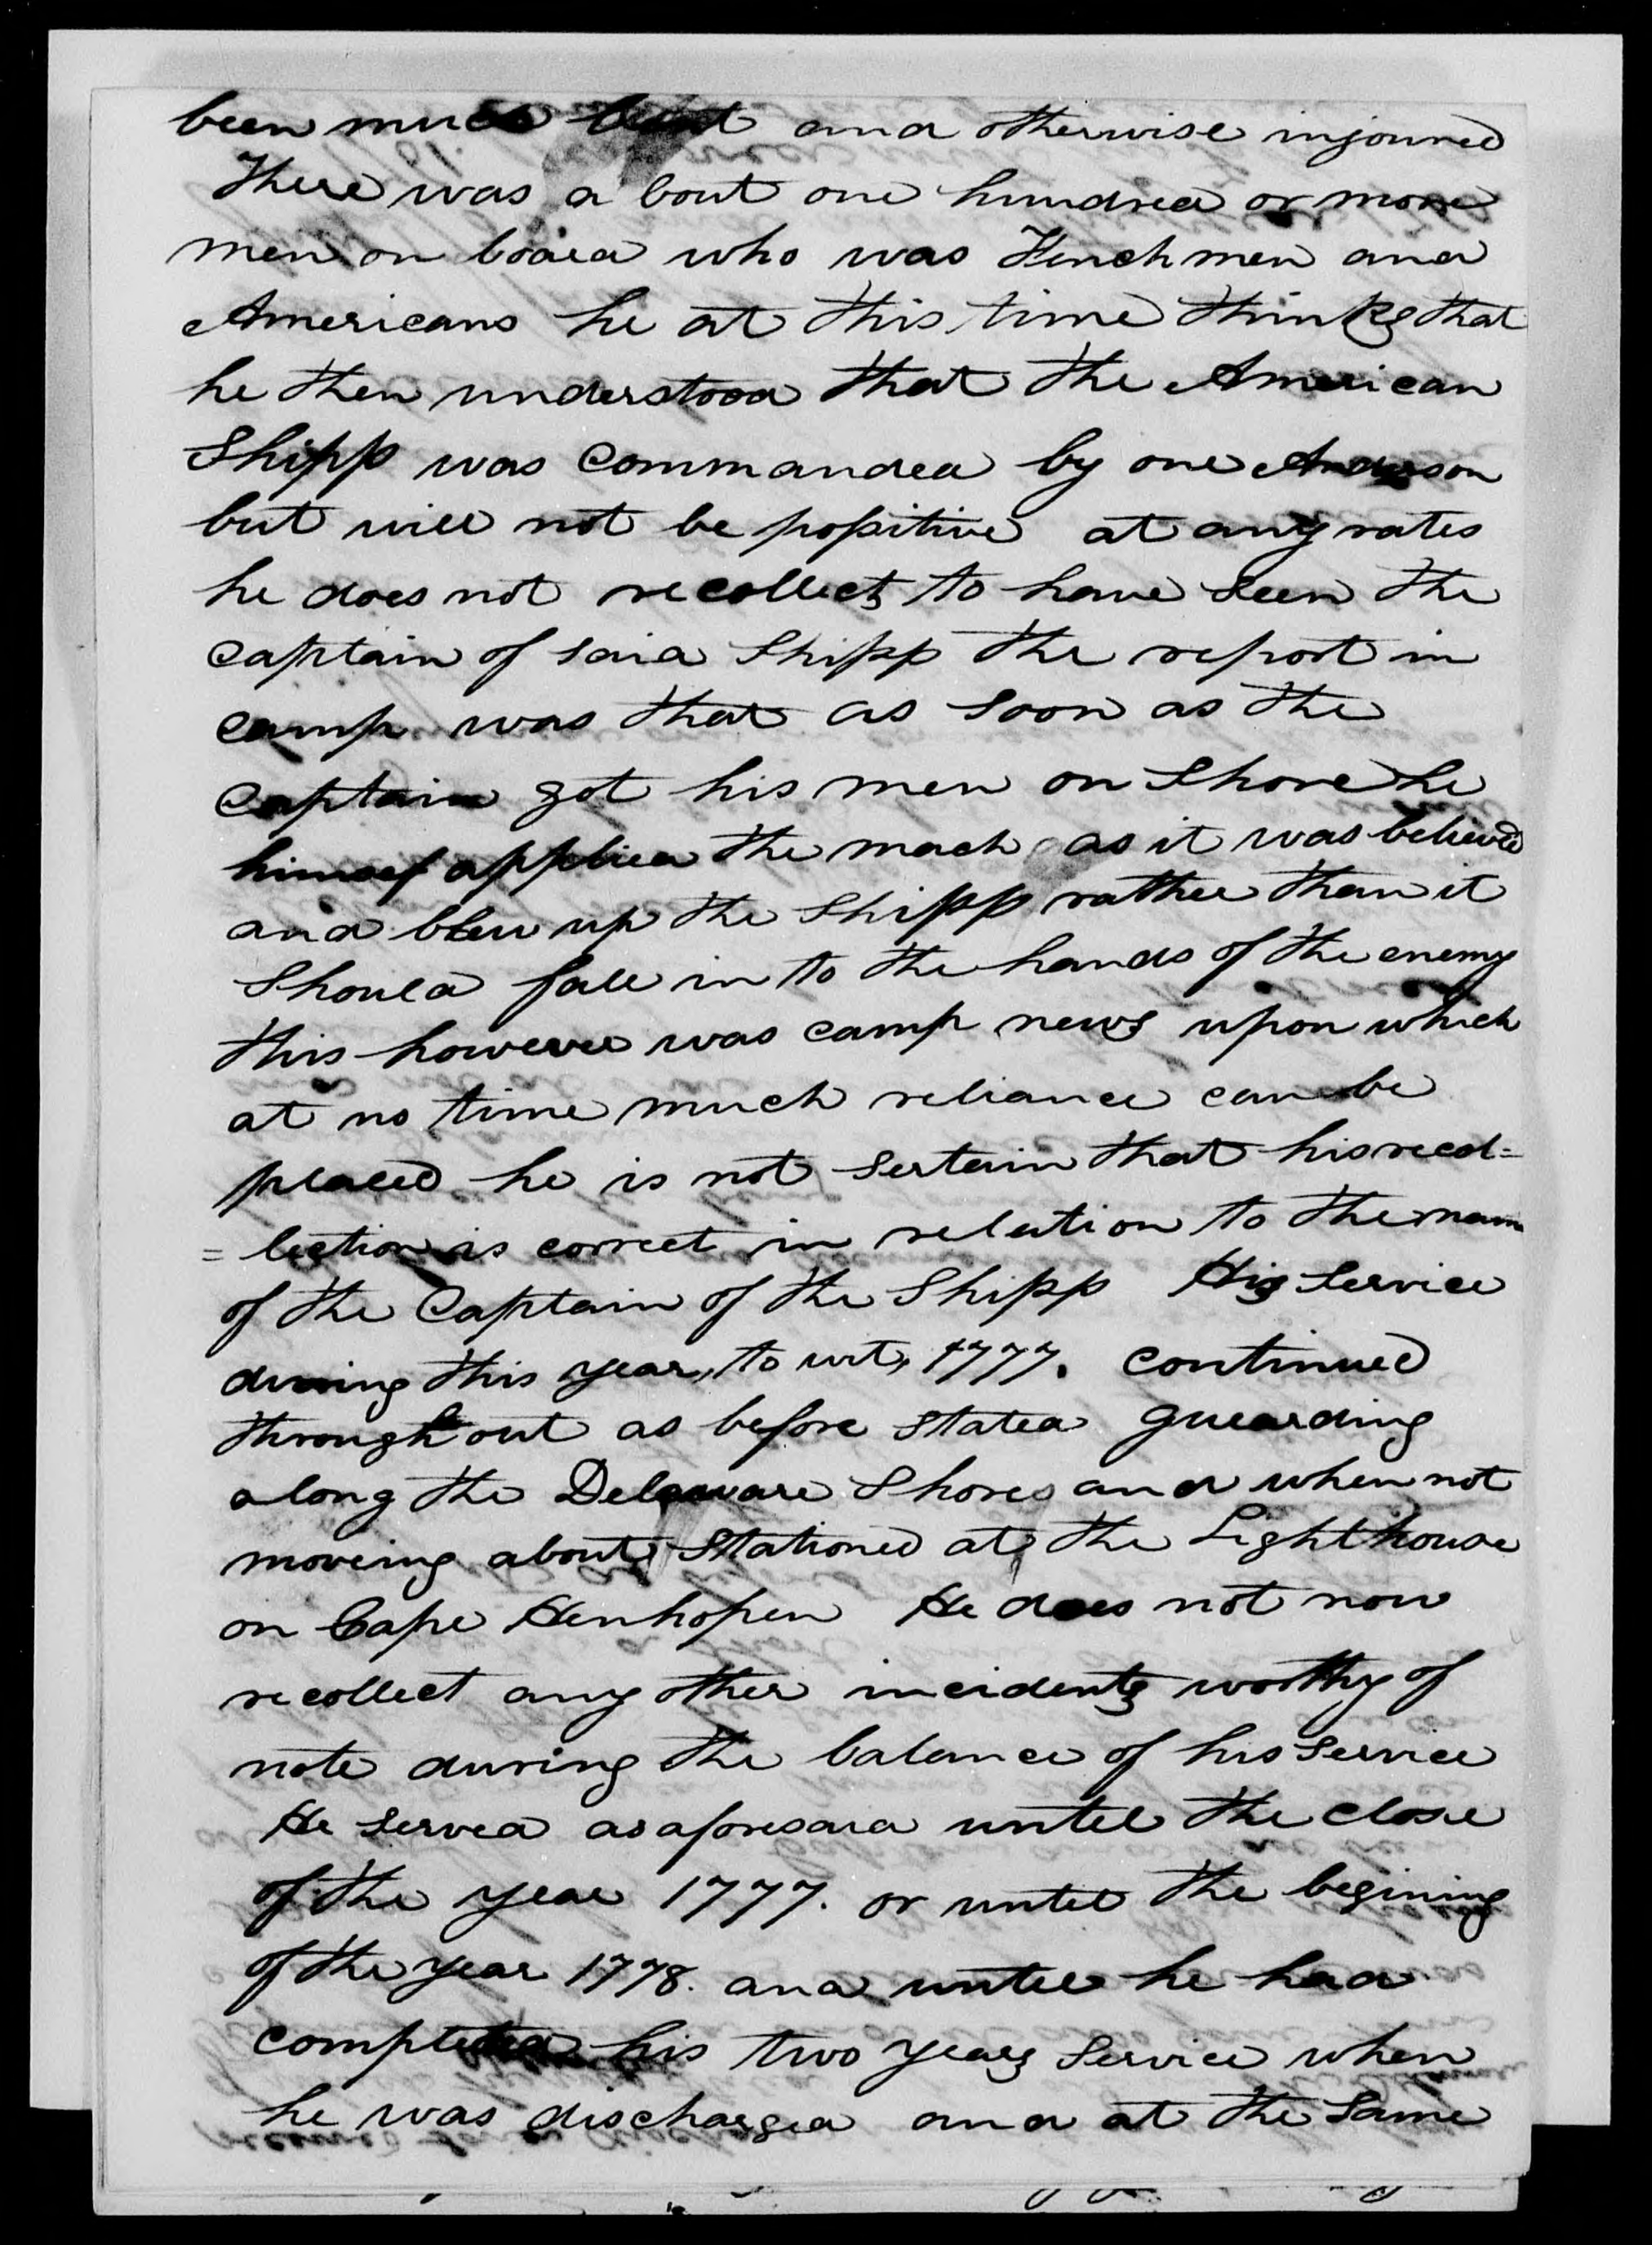Been (unknown) and otherwise injured.  There was about one hundred or more men on board who was Frenchmen and Americans.  He at this time thinks that he then understood that the American ship was commanded by one Anderson but will not be positive at any rate he does not recollect to have seen the captain of said ship the report in camp was that as soon as the captain got his men of shore he himself applied the match as it was believed and blew up the ship rather than it should fall into the hands of the enemy. This however was camp news upon which at no time much reliance can be placed. He is not certain that his recollection is correct in relation to the name of the captain of the ship. His service during this year to wit, 1777 continued throughout as before stated guarding along the Delaware shores and when not moving about stationed at the lighthouse on Cape Henlopen.  He does not now recollect any other incident worthy of note during the balance of his service. he served as aforesaid until the close of the year 1777 or until he beginning of the year 1778 and until he had completed his two years service when he was discharged and at the same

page: 9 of 25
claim: survivor's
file: S. 13789, for Samuel Lockwood, Delaware